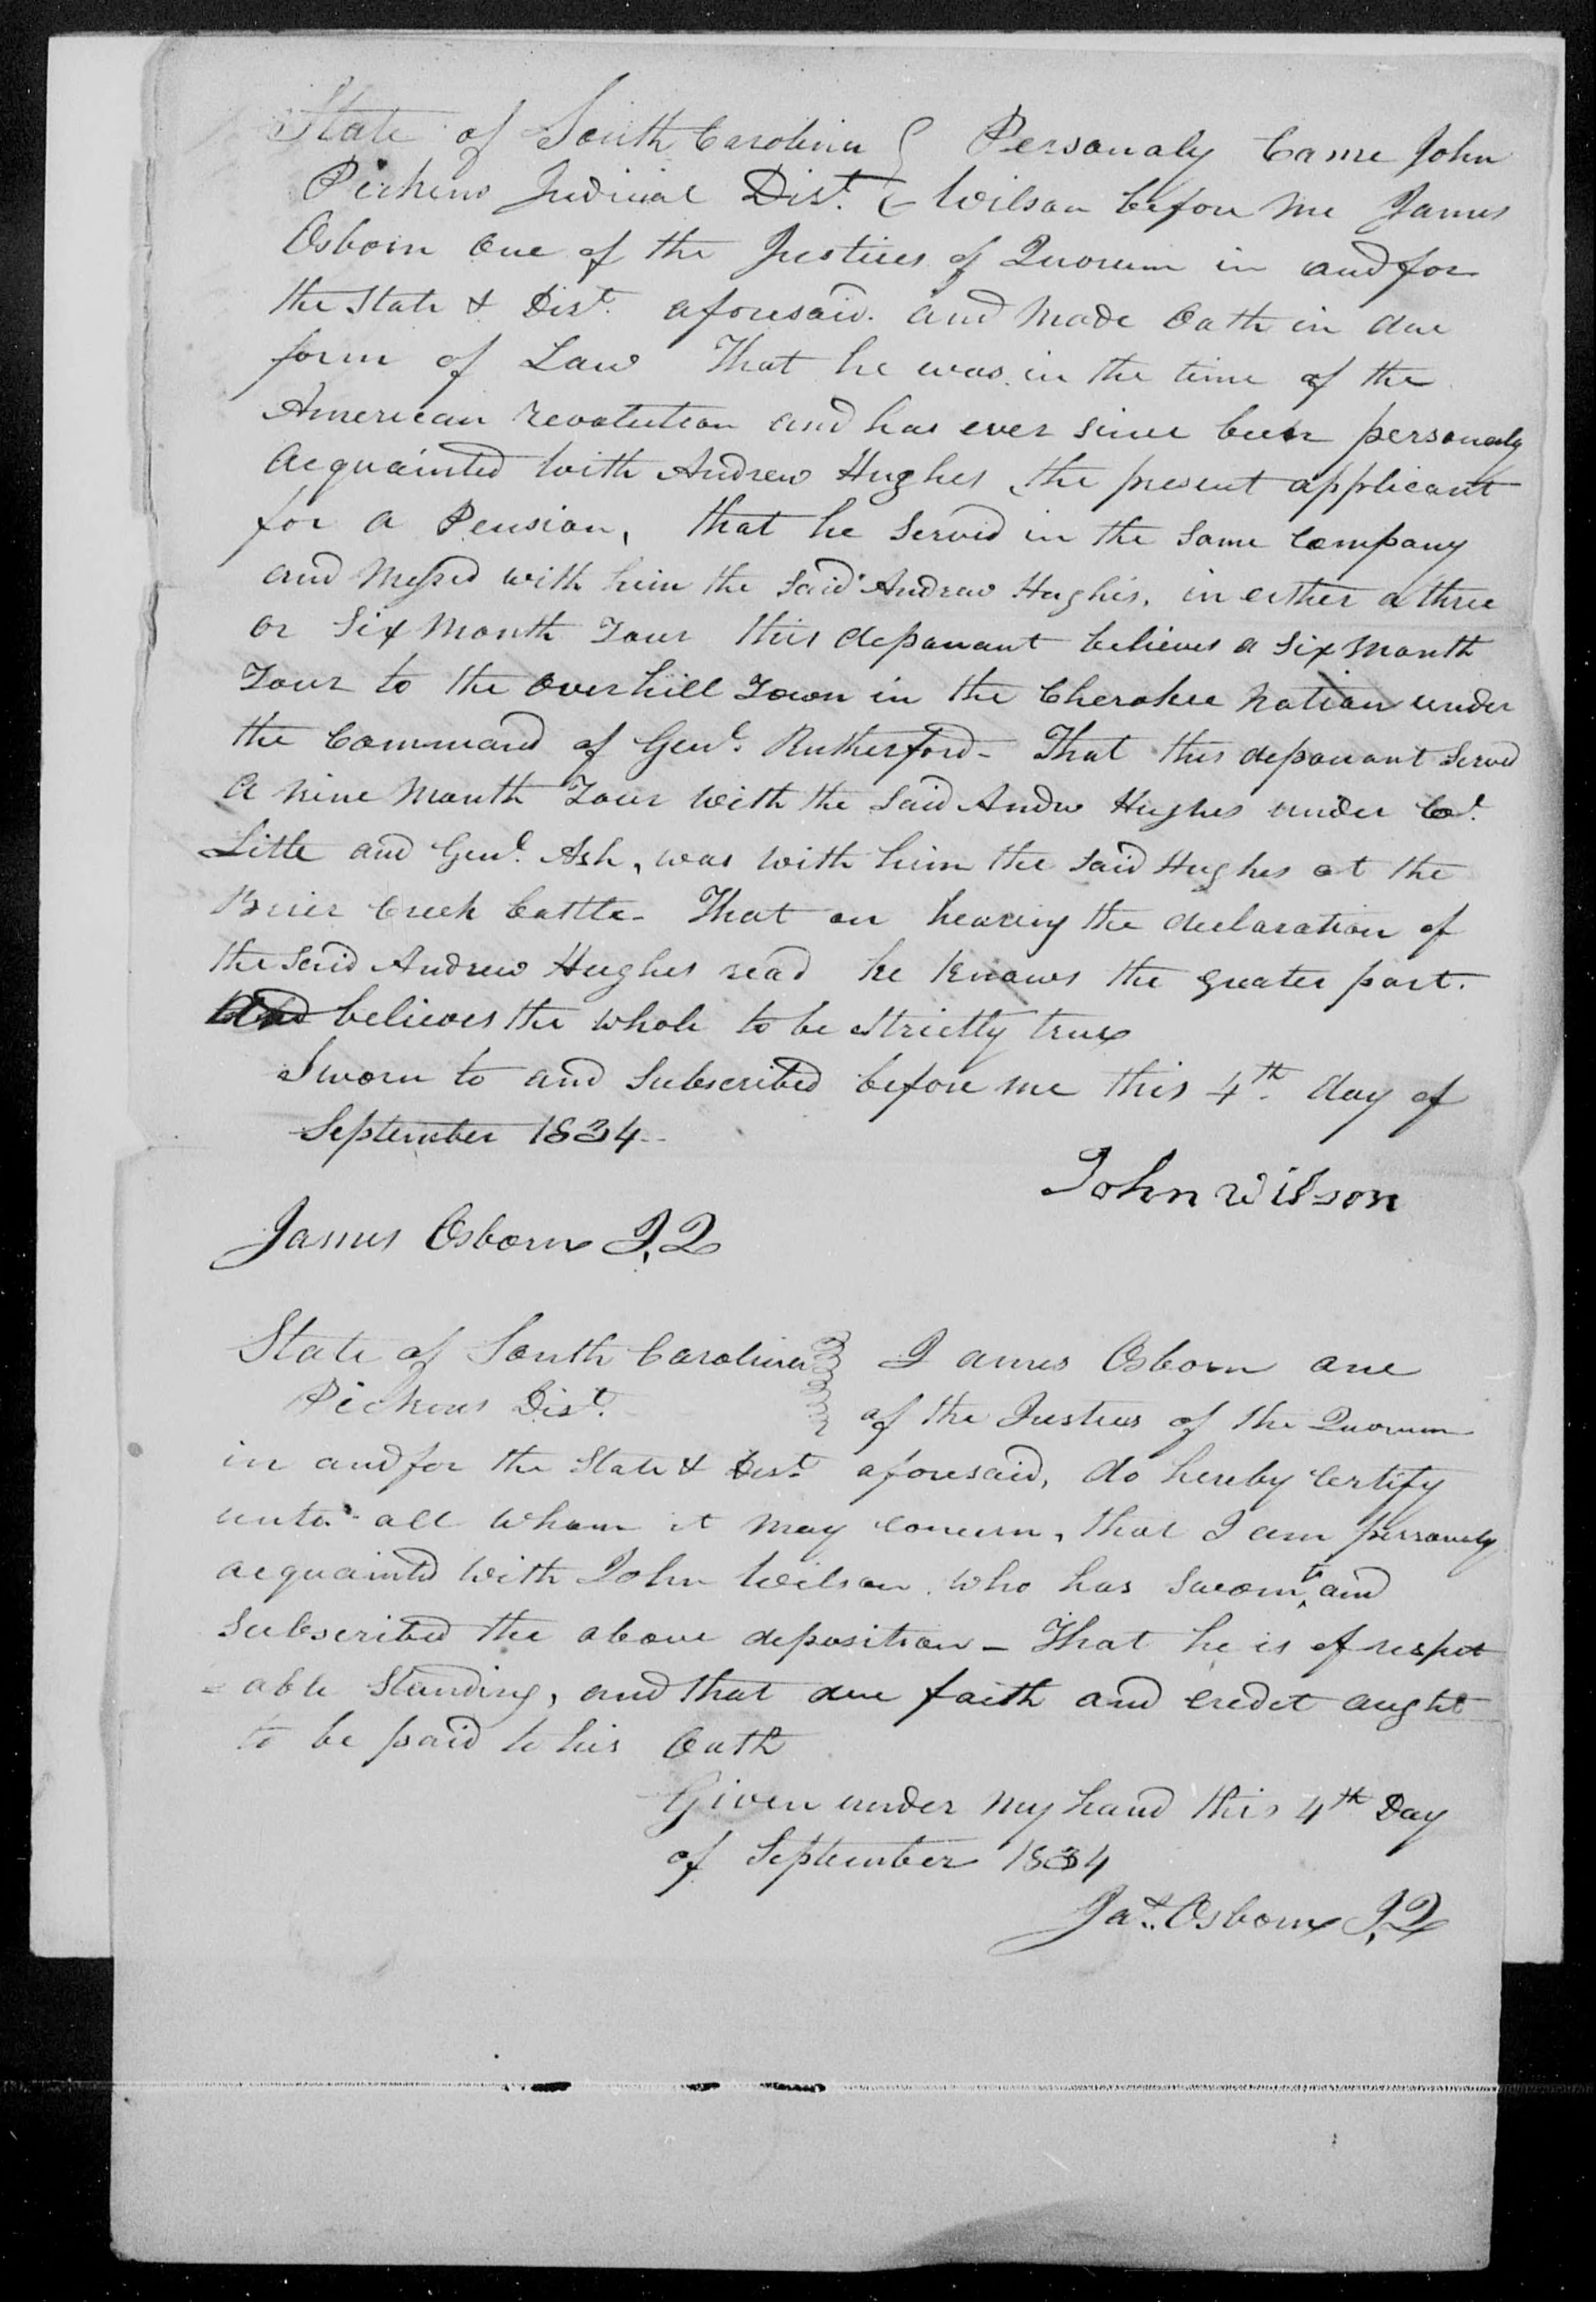State of South Carolina  
Pickens Judicial Dist 
Personally Came John Wilson before me James
Osborn one of the Justices of Quorum in and for the State & Dist aforesaid and made oath in due form of Law that he was in the time of the American revolution and has ever since been personally acquainted with Andrew Hughes the present applicant
for a Pension, that he served in the same company and missed with him the said Andrew Hughes, in either of three
or Six month tour this deponent believes a six month Tour to the Overhill Town in the Cherokee Nation under the
command of Genl Rutherford. That this deponent served
a nine month tour with the said Andw Hughes under Col. Litte and Genl Ash, was with him the said Hughes at the
Brier Creek battle. That on hearing the declaration of
the said Andrew Hughes read he knows the greater part [illegible]
believes the whole to be strictly true
Sworn to and subscribed before me this 4th day of
September 1834
James Osborn J. Q
John Wilson
State of South Carolina
Pickens Dist
James Osborn one of the Justices of the Quorum in and for the State & Dist aforesaid 
aforesaid, do hereby certify
unto all whom it may concern, that I am personally acquainted with John Wilson who has sworn and Subscribed the above deposition - That he is of respectable standing, and that due faith and credit aught
to be paid to his oath
Given under my hand this 4th Day
of September 1834
Jas Osborn J. Q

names: John Wilson, Andrew Hughes, Rutherford, Ash, Litle, James Osborn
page: 61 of 75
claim: widow's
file: W. 25805, Andrew Hughes, N.C.